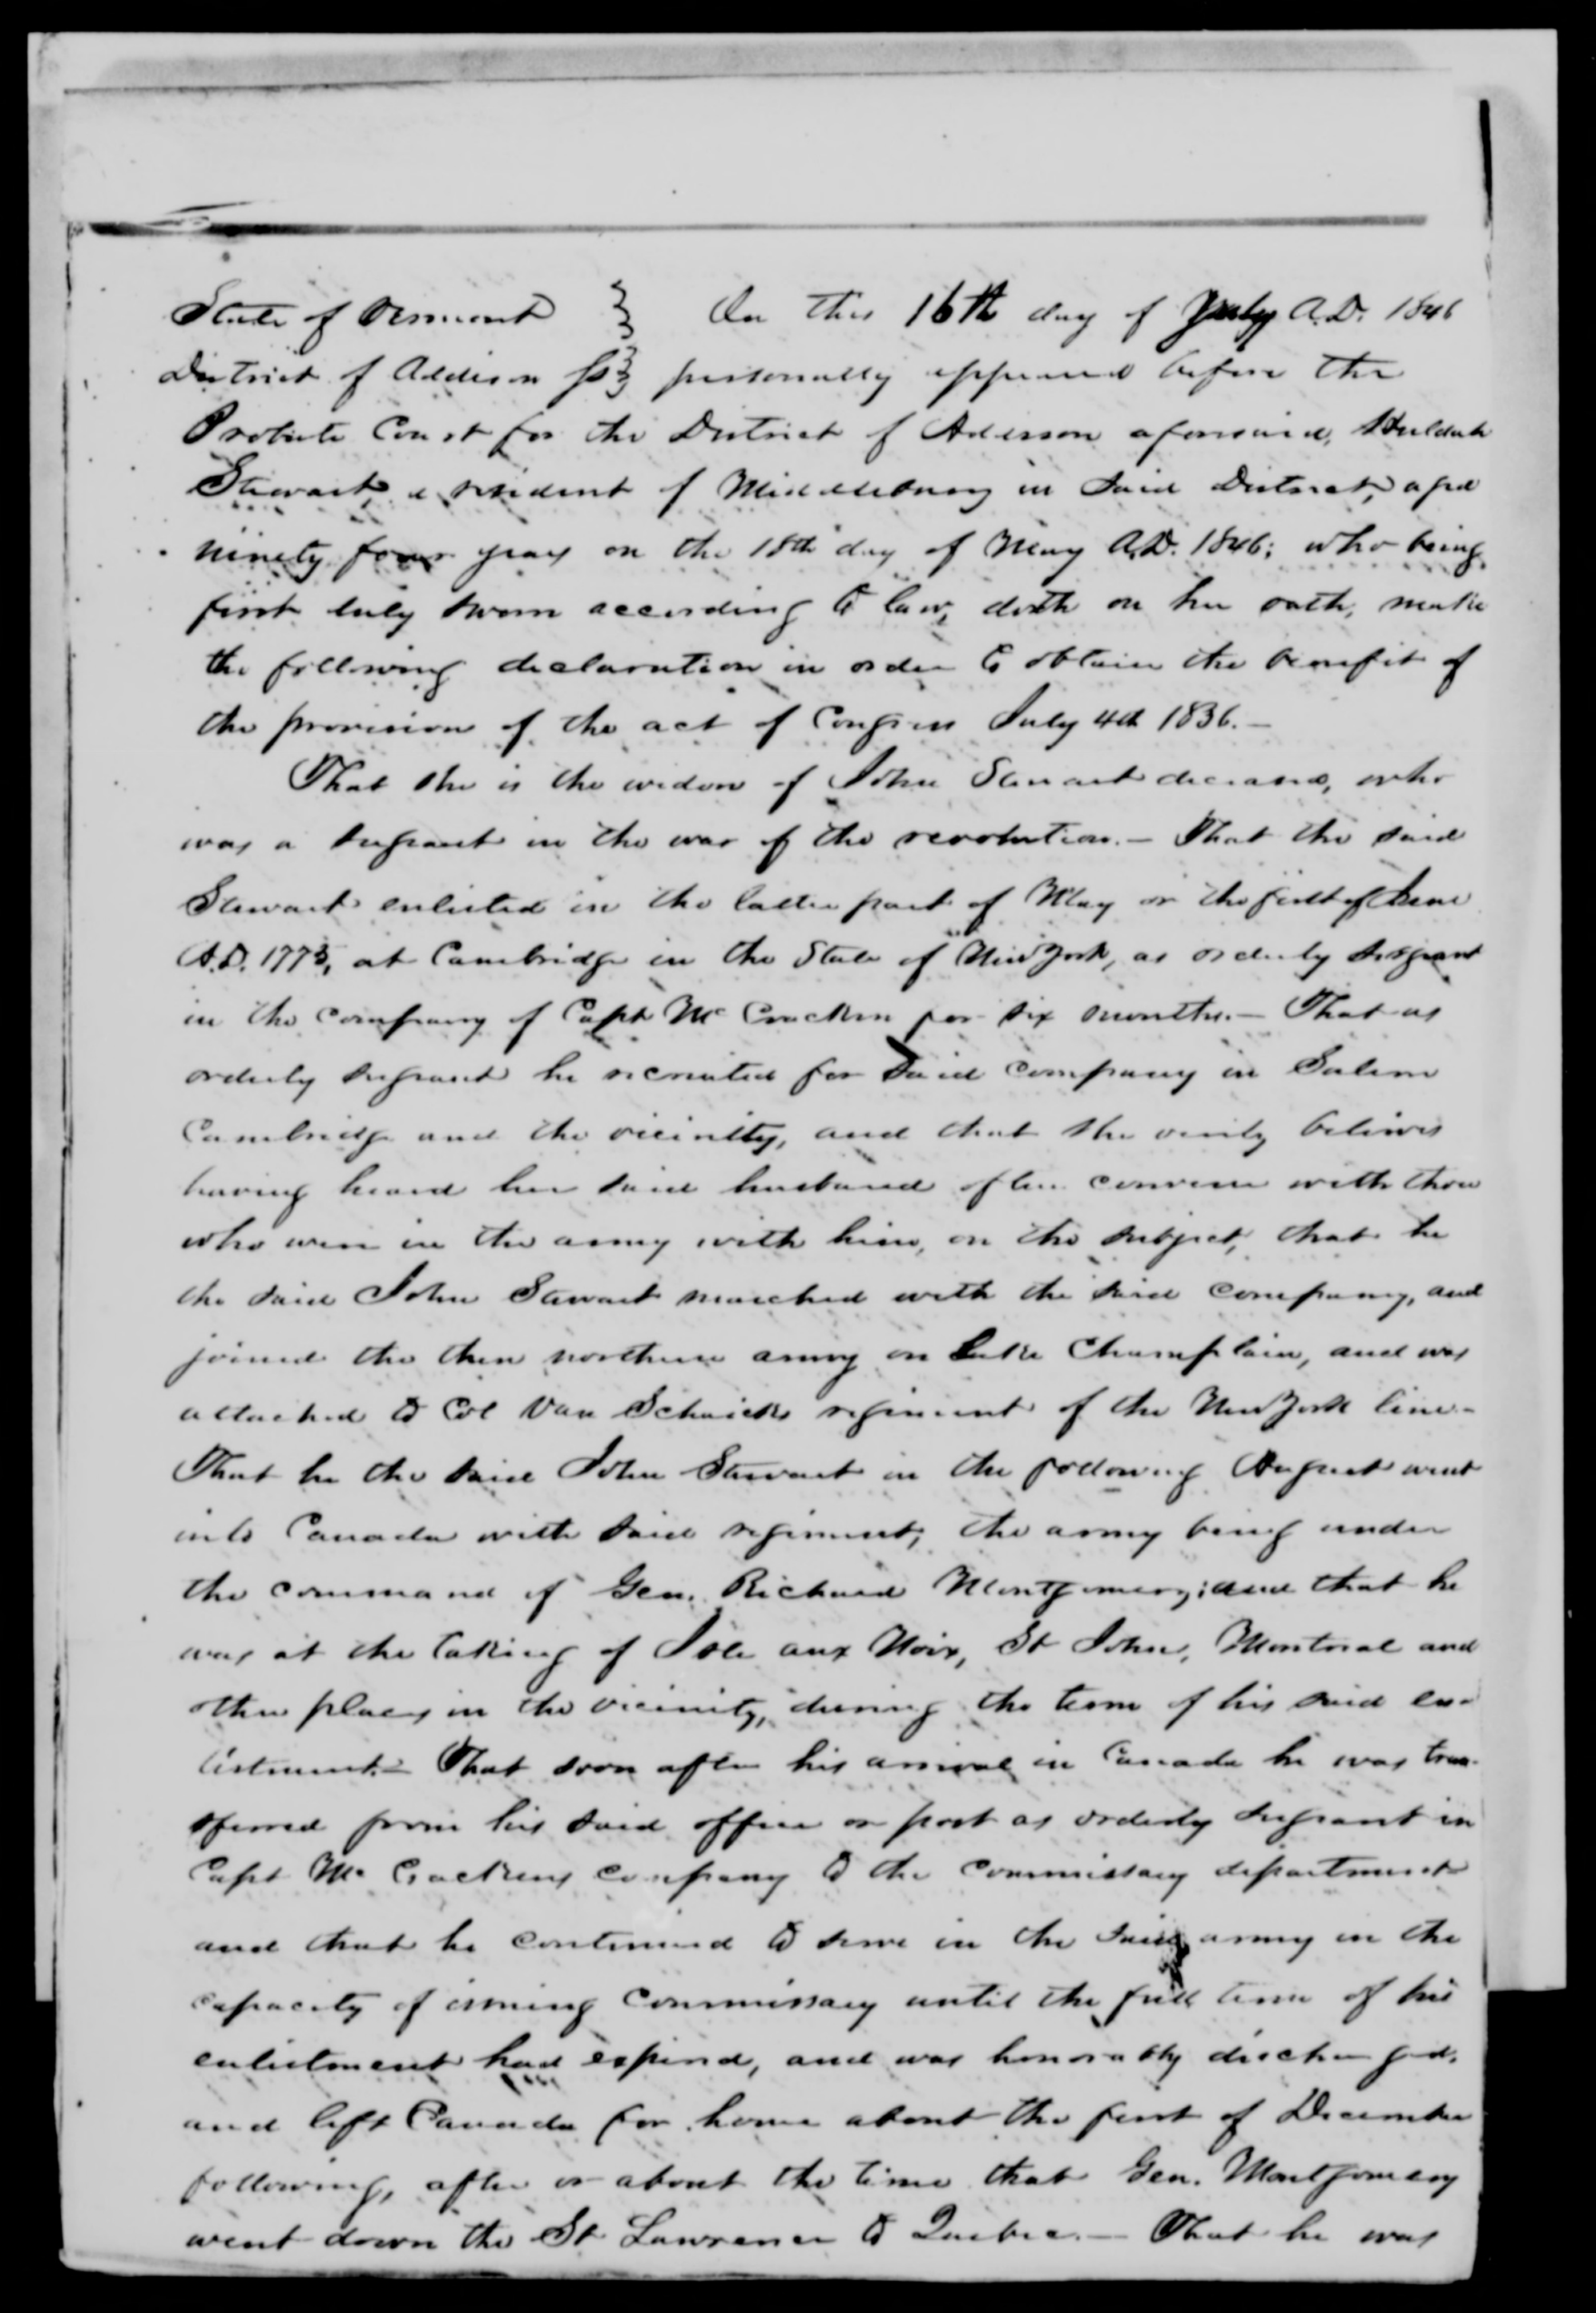State of Vermont 
 District of Addison
On this 16th day of July A.D. 1846
 personally appeared before the
Probate Court for the District of Addison aforesaid, Huldah
Stewart resident of Middlebury in said District aged
ninety four years on the 18th day of May A.D. 1846. who being
first duly sworn according to law doth on her oath, make
the following declaration in order to obtain the benefit of
the provision of the act of Congress July 4th 1836.
That she is the widow of John Stewart deceased, who
was a part in the war of the revolution. That the said
Stewart enlisted in the latter part of May or the first of June
A.D. 1773, at Cambridge in the State of New York, as orderly Sergeant
in the company of Capt McCracken for six months. That as
orderly Sergeant he served for said Company in Salem
Cambridge and the vicinity, and that she verily believes
having heard her said husband of he converse with thou
who were in the army with him, on the subject, that he
the said John Stewart marched with the said Company, and
joined the then northern army on lake Champlain, and was
attached to Col Van Schaicks regiment of the New York line
That he the said John Stewart in the following August went
into Canada with said regiment; the army being under the
command of Gen. Richard Montgomery, and that he
was at the taking of St. John and Nair, St John, Montoral [Montreal] and
other places in the vicinity, during the term of his said
enlistment. That soon after his arrival in Canada he was to
served from his said office or part as orderly infantry in
Capt Mc Cacking Company to the Commissary department
and that he continued to serve in the said army in the
capacity of [illegible] Commissary until the full time of his
enlistment had expired, and was honorably discharged
and left cared for home about the first of December
following, after or about the time that Gen. Montgomery
went down the St Lawrence of Quebec, That he was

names: Huldah Stewart; [BLANK] Montgomery; John Stewart; [BLANK] Stewart; Richard Montgomery; [BLANK] Mc Cracken; John Stewart; John Stewart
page: 4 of 26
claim: rejected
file: R. 10,154, for John Stewart, New Hampshire